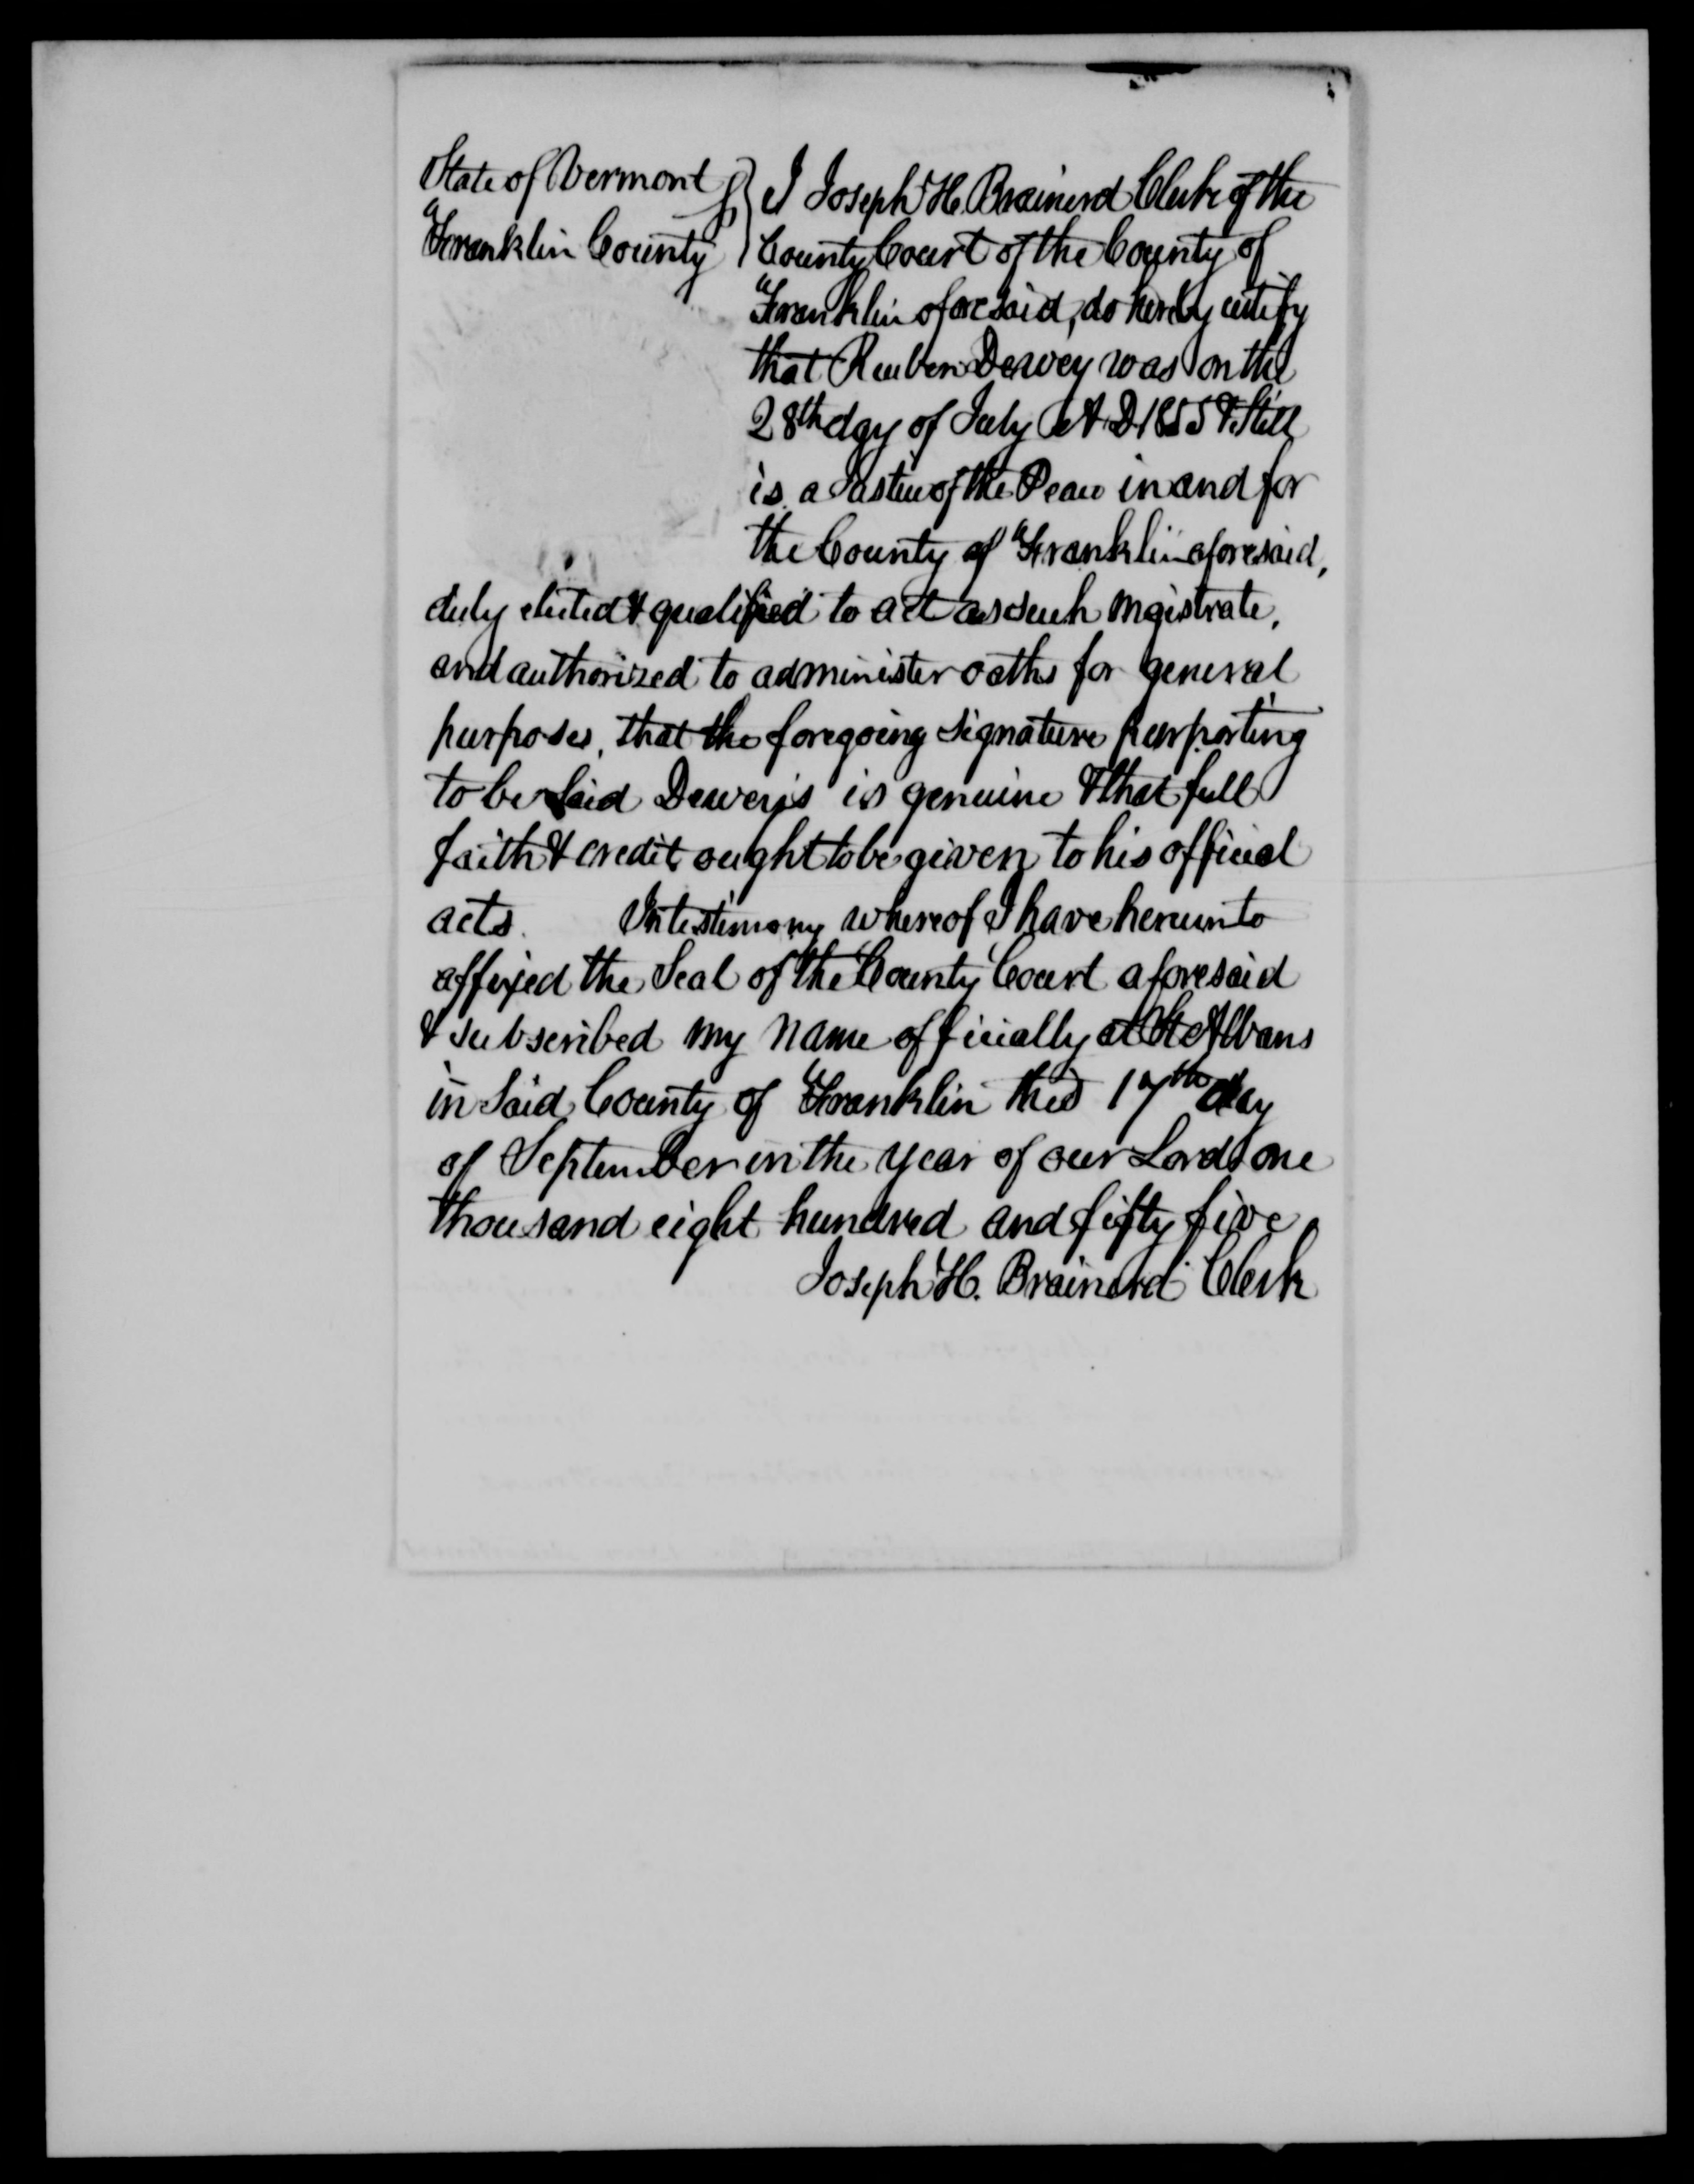State of Vermont
Franklin County ss 
(seal)
I Joseph H. Brainard Clerk of the County Court of the County of Franklin of aforesaid, do hereby certify that Ruben Dewey was on the 28th day of July A. D. 1855 & still is a Justice of the Peace in and for the County of Franklin aforesaid, duly elected & qualified to act as such magistrate, and authorized to administer oaths for general purposes. That the foregoing signature purporting to be said Dewey's is genuine. That full faith & credit ought to be given to his official
acts. In testimony whereof I have hereunto affixed the Seal of the County Court aforesaid & subscribed my name officially at St. Albans in said County of Franklin this 17th day of September in the year of our Lord one thousand eight hundred and fifty five.
Joseph H. Brainerd, Clerk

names: Dewey, Reuben Dewey, Joseph H Brainerd, Joseph H Brainerd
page: 39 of 64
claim: widow's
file: W. 5831, Edmund Town, Mass.